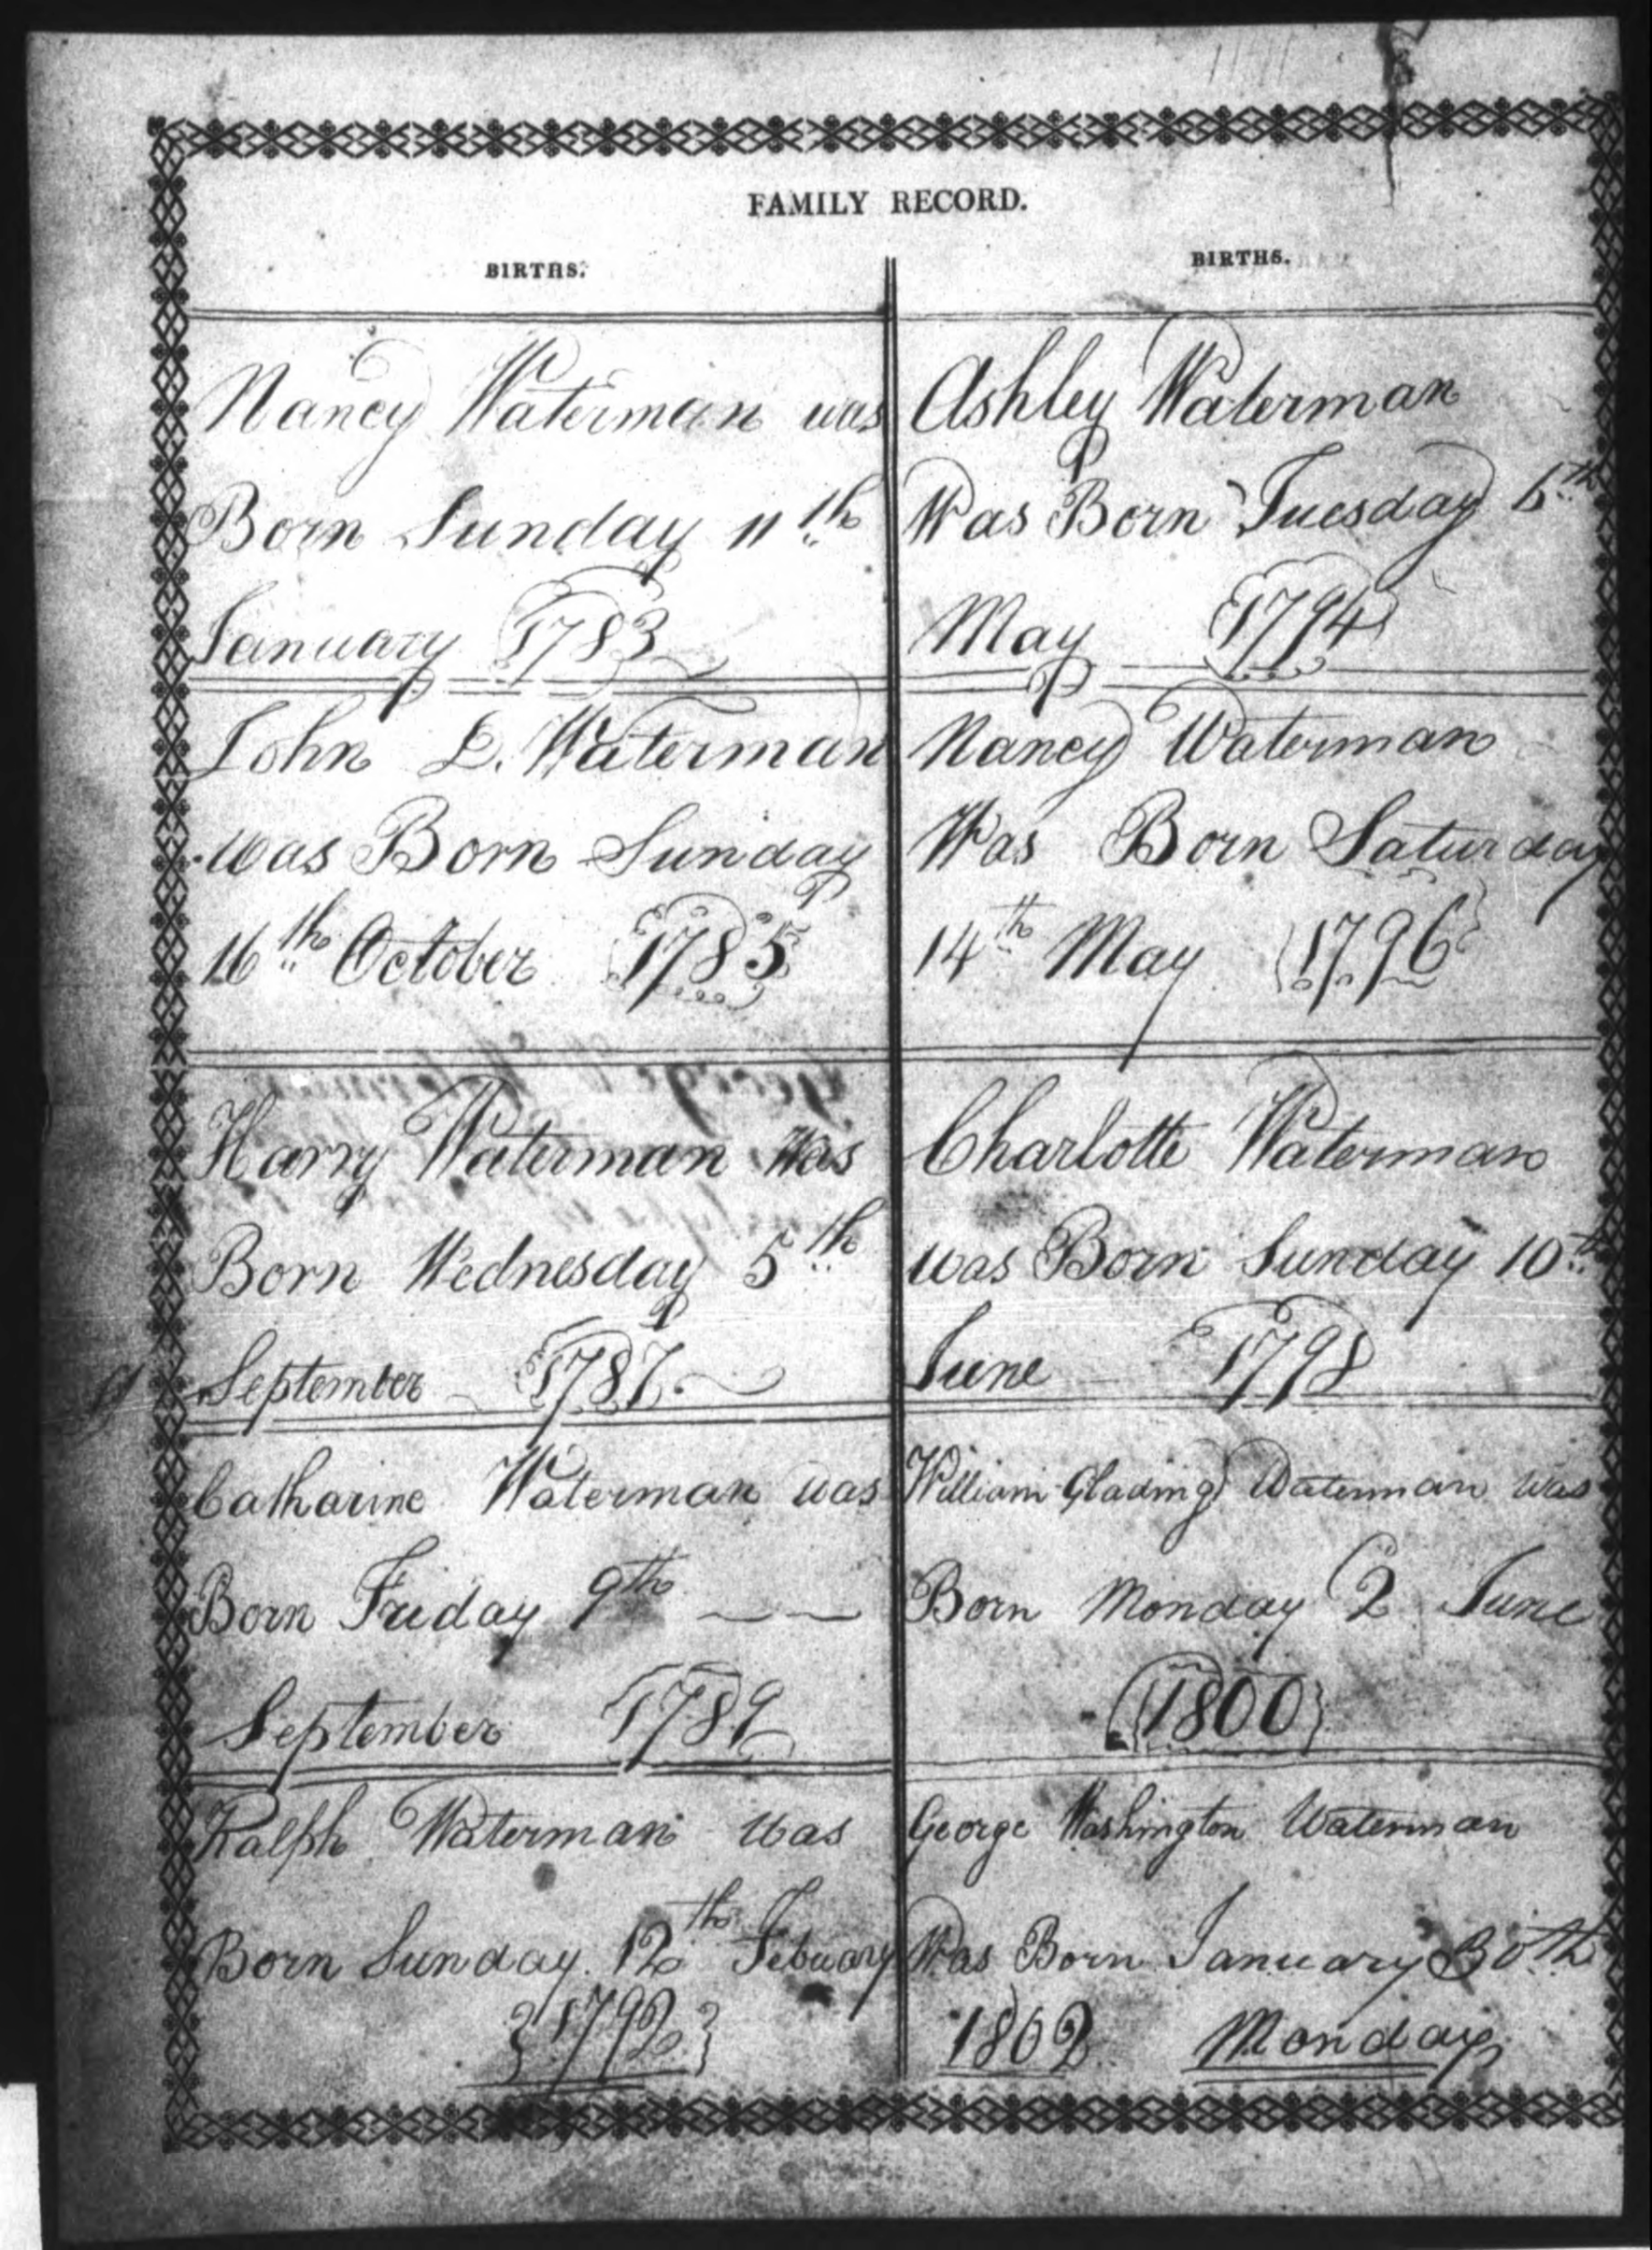FAMILY RECORD.
BIRTHS.
-----------------------
Nancy Waterman was
 Born Sunday 11th
January 1783
------------------------
John D. Waterman
was Born Sunday
16th October 1785
-------------------------
Harry Waterman was 
Born Wednesday 5th 
September 1787
--------------------------
Catharine Waterman was
Born Friday 9th 
September 1789
----------------------------
Ralph Waterman was
Born Sunday 12th February
1792
------------------------------
Ashley Waterman
Was Born Tuesday 6th
May 1794
------------------------------
Nancy Waterman
Was Born Saturday
14th May 1796
-------------------------------
Charlotte Waterman
was Born Sunday 10th
June  1798
--------------------------------
William Glading Waterman was
Born Monday 2d June
1800
------------------------------------
George Washington Waterman
Was Born January 30th
1802 Monday,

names: Charlotte Waterman, William Glading Waterman, Ashley Waterman, George Washington Waterman, John D Waterman, Ralph Waterman, Catharine Waterman, Nancy Waterman, Harry Waterman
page: 45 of 50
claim: widow's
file: W. 15814, Glading Waterman, Conn. Conn. Sea Service Continental